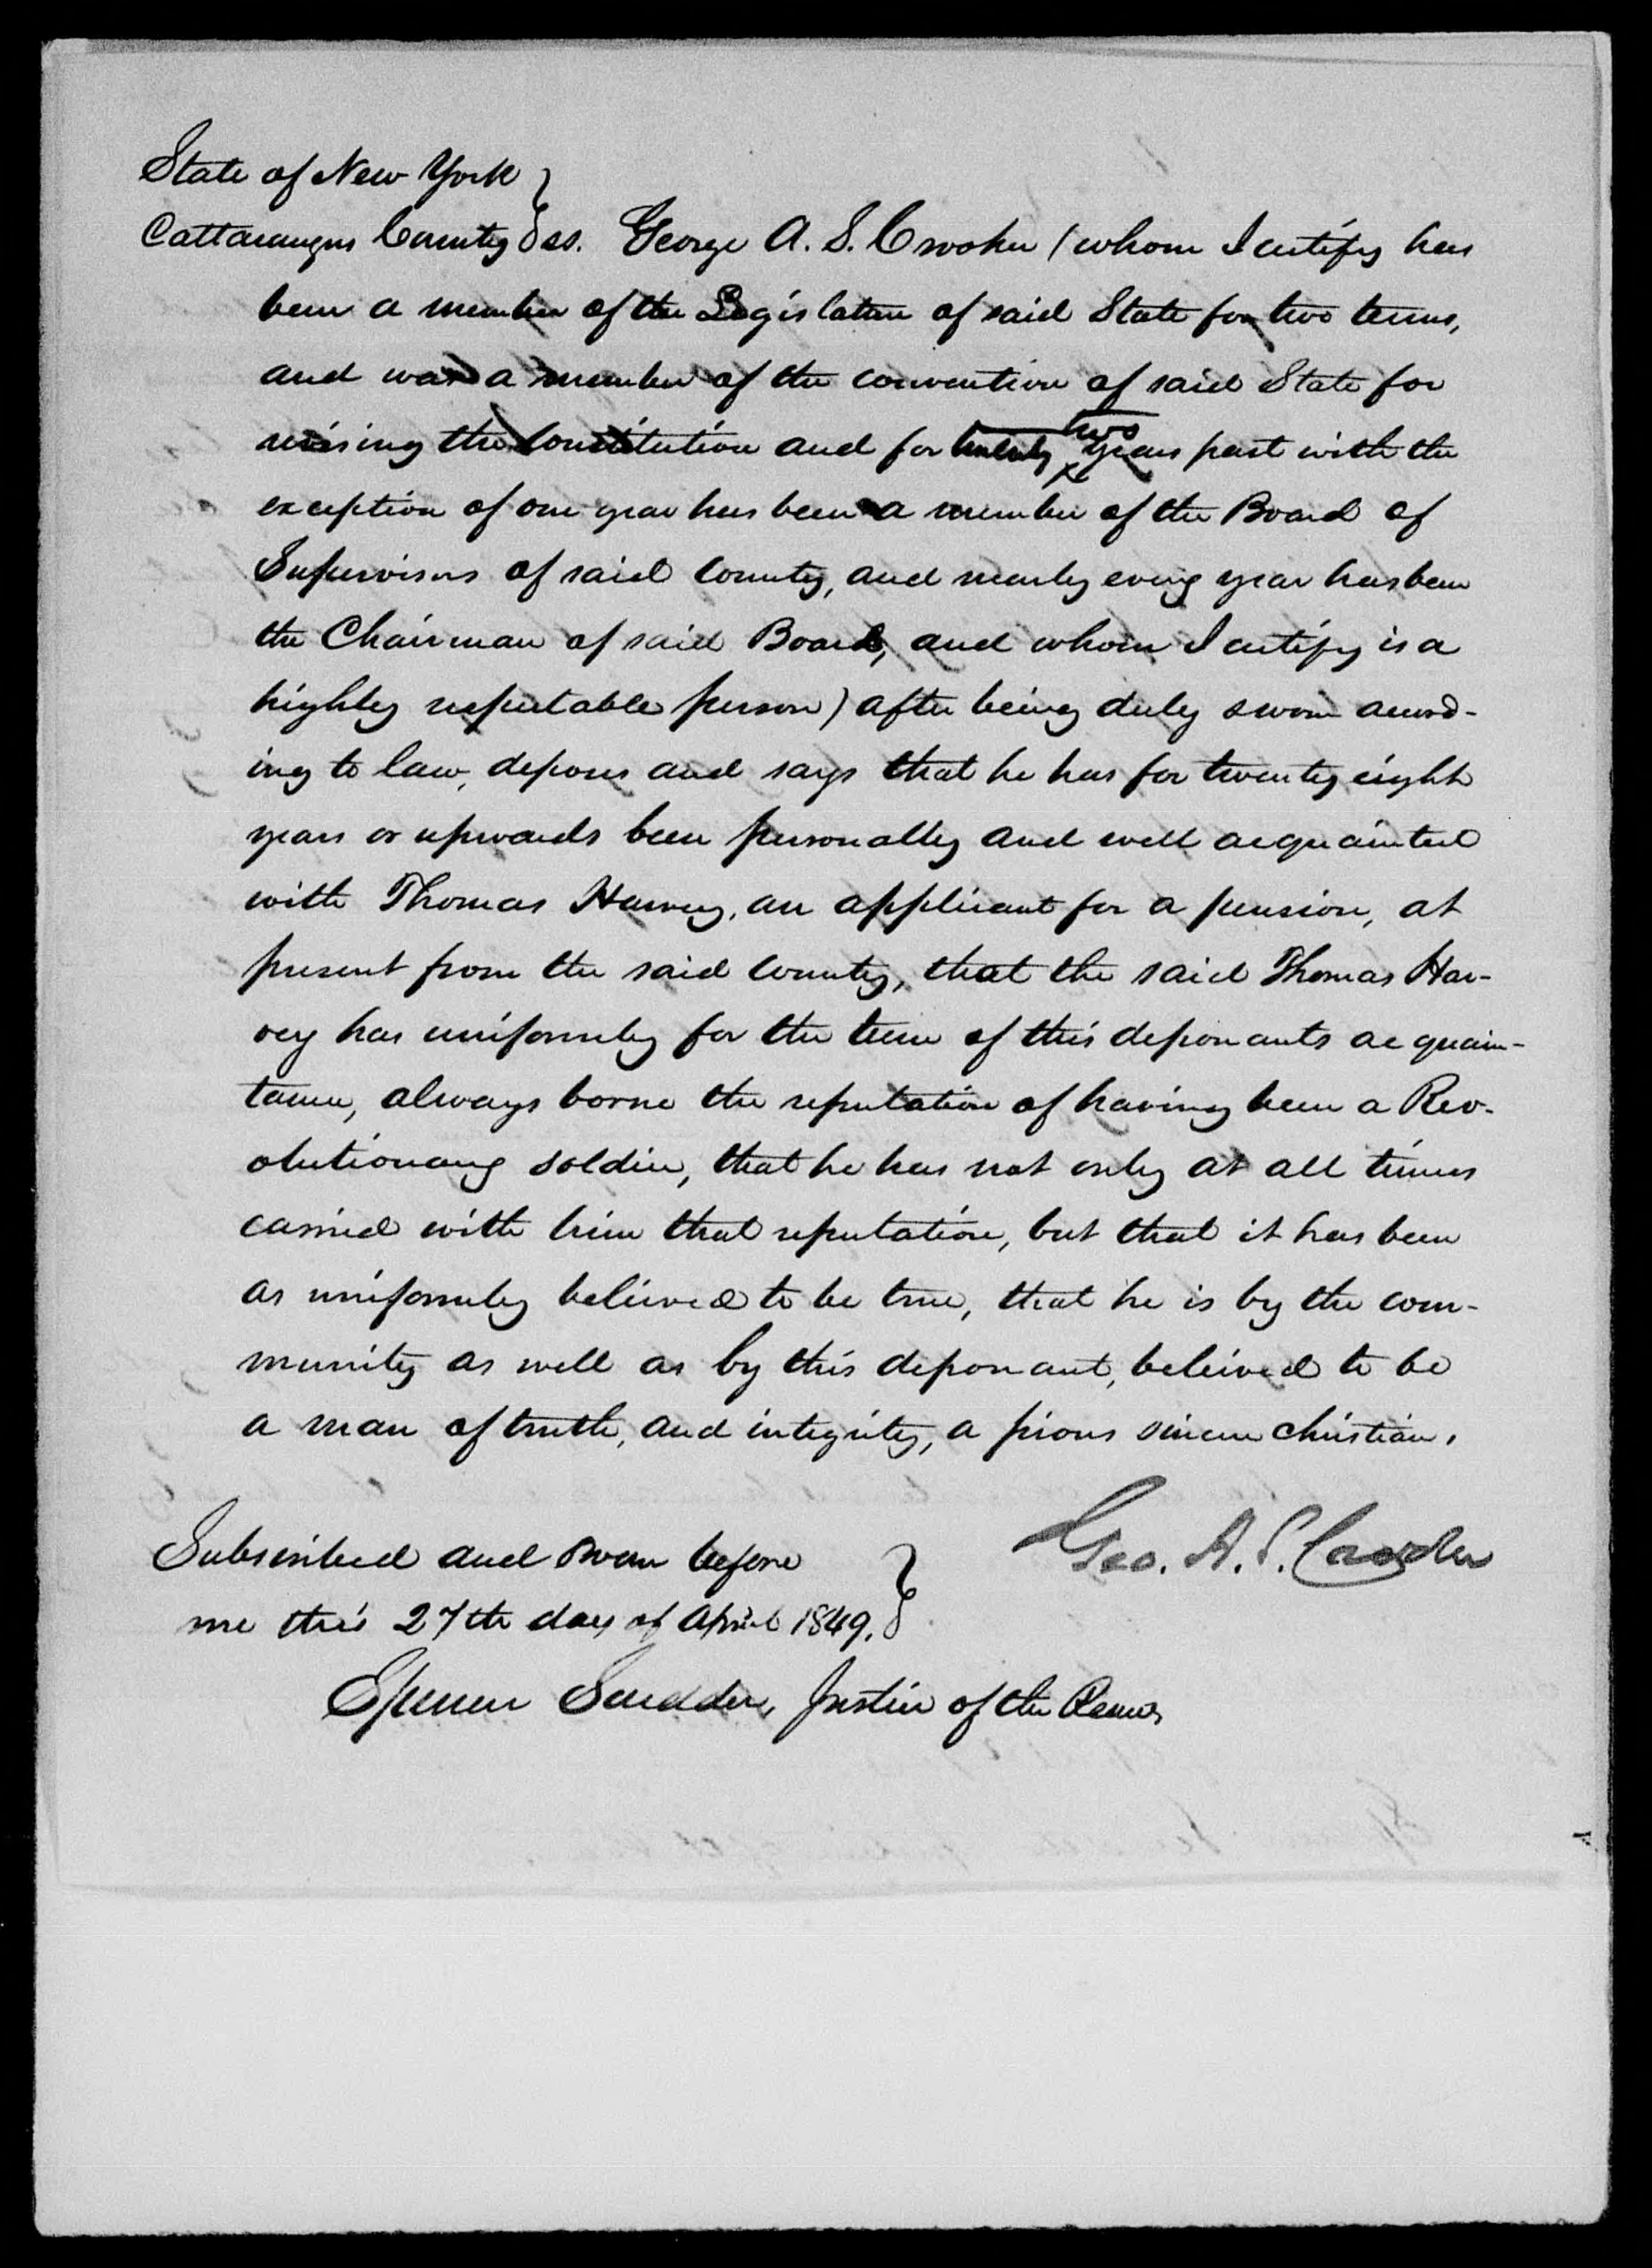State of New York
Cattaraugus County}ss. George A.S. Crooker (whom I certify has been a member of the Legislature of said State for two terms. and was a member of the convention of said State for revising the Constitution and for twenty two years past with the exception of one year has been a member of the Board of Supervisors of said County, and nearly every year has been a Chairman of said Board, and whom I certify is a highly respectable person) after being duly sworn according to law, deposes and says that he has for twenty eight years or upwards been personally and well acquainted with Thomas Harvey, an applicant for a pension, at present from the said County, that the said Thomas Harvey has uniformly for the term of this deponant's acquaintance, always borne the reputation of having been a Revolutionary soldier, that he has not only at all times carried with him that reputation, but that it has been as uniformly believed to be true, that he is by the community as well as by this deponant, believed to be a man of truth, and integrity, a pious sincere christian.
/s/Geo. A. C. Crooker
Subscribed and sworn before me this 27th day of April 1849.}
/s/Spencer Scudder, Justice of the Peace.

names: Thomas Harvey, Thomas Harvey, Spencer Scudder, George A S Crooker, Geo A S Crooke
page: 60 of 80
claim: survivor's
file: S. 18008, Thomas Harvey, N.H.